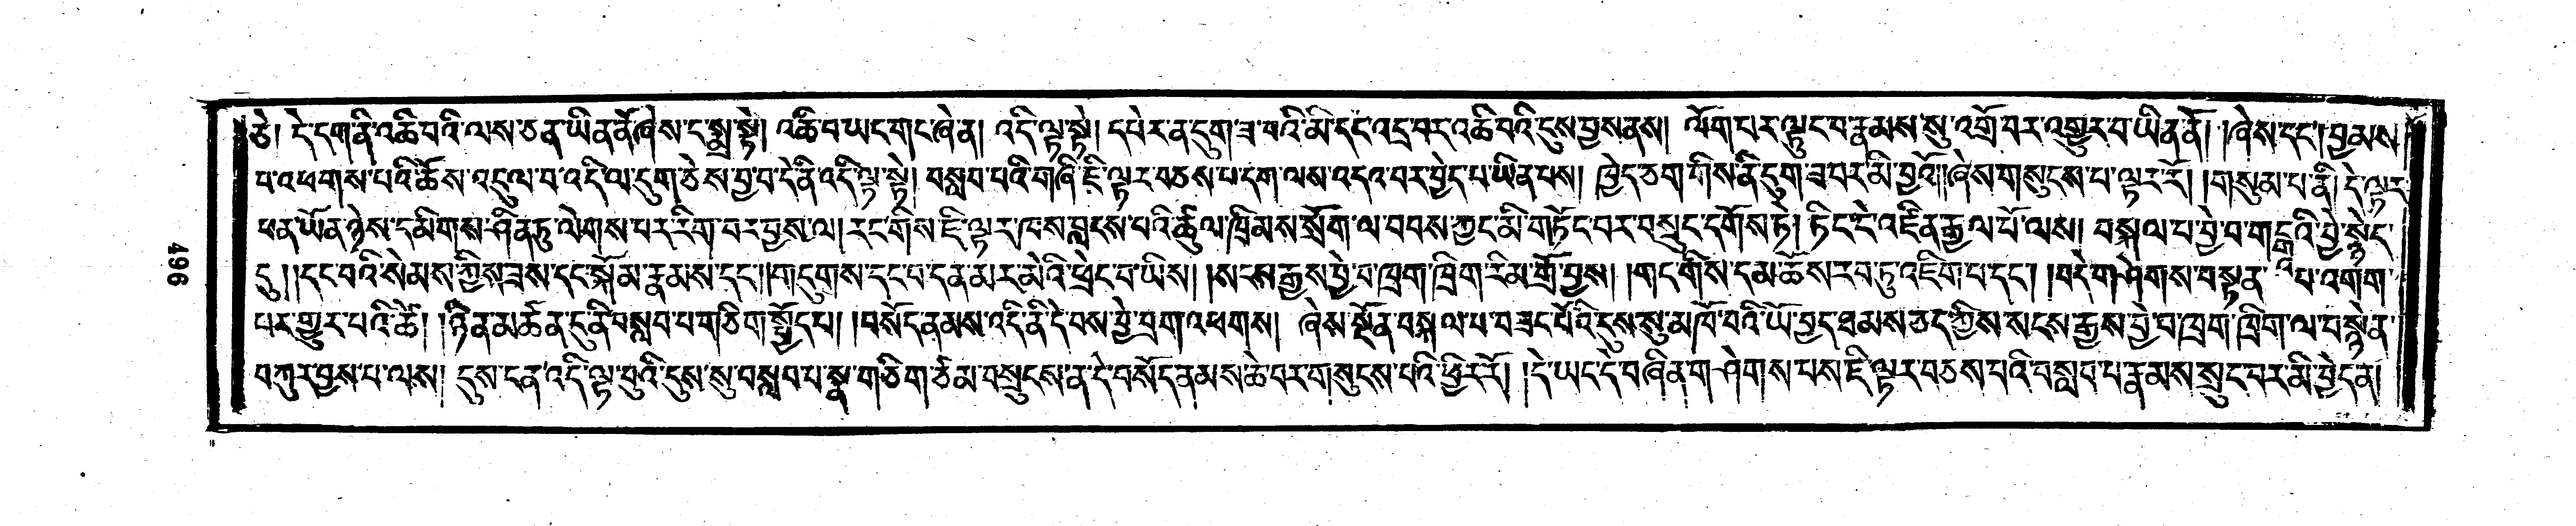ཏེ། དེ་དག་ནི་འཆི་བའི་ལས་ཅན་ཡིན་ནོ་ཞེས་ང་སྨྲ་སྟེ། འཆི་བ་ཡང་གང་ཞེ་ན། འདི་ལྟ་སྟེ། དཔེར་ན་དུག་ཟ་བའི་མི་ངར་འདྲ་བར་འཆི་བའི་དུས་བྱས་ནས། ལོག་པར་ལྟུང་བ་རྣམས་སུ་འགྲོ་བར་འགྱུར་བ་ཡིན་ནོ། །ཞེས་དང་། བྱམས་
པ་འཕགས་པའི་ཆོས་འདུལ་བ་འདི་ལ་དུག་ཅེས་བྱ་བ་དེ་ནི་འདི་ལྟ་སྟེ། བསླབ་པའི་གཞི་ཇི་ལྟར་བཅས་པ་དག་ལས་འདའ་བར་བྱེད་པ་ཡིན་པས། ཁྱེད་ཅག་གིས་ནི་དུག་ཟ་བར་མི་བྱའོ། །ཞེས་གསུངས་པ་ལྟར་རོ། །གསུམ་པ་ནི། དེ་ལྟར་
ཕན་ཡོན་ཉེས་དམིགས་ཤིན་ཏུ་ལེགས་པར་རིག་པར་བྱས་ལ། རང་གིས་ཇི་ལྟར་ཁས་བླངས་པའི་ཚུལ་ཁྲིམས་སྲོག་ལ་བབས་ཀྱང་མི་གཏོང་བར་བསྲུང་དགོས་ཏེ། ཏིང་ངེ་འཛིན་རྒྱལ་པོ་ལས། བསྐལ་པ་བྱེ་བ་གངྒཱའི་བྱེ་སྙེད་
དུ། །དང་བའི་སེམས་ཀྱིས་ཟས་དང་སྐོམ་རྣམས་དང་། །གདུགས་དང་བ་དན་མར་མེའི་ཕྲེང་བ་ཡིས། །སངས་རྒྱས་བྱེ་བ་ཁྲག་ཁྲིག་རིམ་གྲོ་བྱས། །གང་གིས་དམ་ཆོས་རབ་ཏུ་འཇིག་པ་དང་། །བདེ་གཤེགས་བསྟན་པ་འགག་
པར་གྱུར་པའི་ཚེ། །ཉིན་མཚན་དུ་ནི་བསླབ་པ་གཅིག་སྤྱོད་པ། །བསོད་ནམས་འདི་ནི་དེ་བས་བྱེ་བྲག་འཕགས། ཞེས་སྔོན་བསྐལ་པ་བཟང་པོའི་དུས་སུ་མཁོ་བའི་ཡོ་བྱད་ཐམས་ཅད་ཀྱིས་སངས་རྒྱས་བྱེ་བ་ཁྲག་ཁྲིག་ལ་བསྙེན་
བཀུར་བྱས་པ་ལས། དུས་ངན་འདི་ལྟ་བུའི་དུས་སུ་བསླབ་པ་སྣ་གཅིག་ཙམ་བསྲུངས་ན་དེ་བསོད་ནམས་ཆེ་བར་གསུངས་པའི་ཕྱིར་རོ། །དེ་ཡང་དེ་བཞིན་གཤེགས་པས་ཇི་ལྟར་བཅས་པའི་བསླབ་པ་རྣམས་སྲུང་བར་མི་བྱེད་ན།